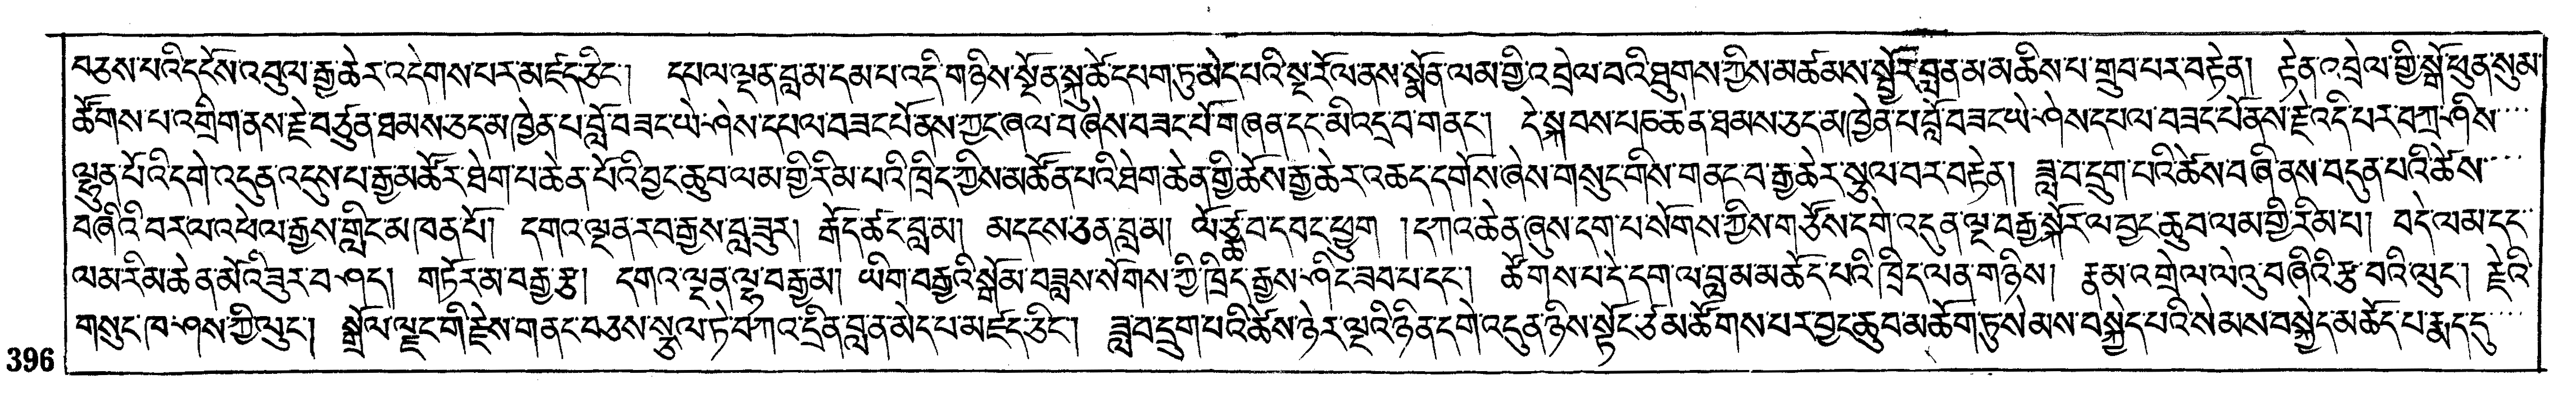བཅས་པའི་དངོས་འབུལ་རྒྱ་ཆེར་འདེགས་པར་མཛད་ཅིང་། དཔལ་ལྡན་བླ་མ་དམ་པ་འདི་གཉིས་སྔོན་སྐུ་ཚེ་དཔག་ཏུ་མེད་པའི་སྔ་རོལ་ནས་སྨོན་ལམ་གྱི་འབྲེལ་པའི་ཐུགས་ཀྱིས་མཚམས་སྦྱོར་བླ་ན་མ་མཆིས་པ་གྲུབ་པར་བརྟེན། རྟེན་འབྲེལ་ཀྱི་སྒོ་ཕུན་སུམ་
ཚོགས་པ་འགྲིག་ནས་རྗེ་བཙུན་ཐམས་ཅད་མཁྱེན་པ་བློ་བཟང་ཡེ་ཤེས་དཔལ་བཟང་པོ་ནས་ཀྱང་ཞལ་བཞེས་བཟང་པོ་གཞན་དང་མི་འདྲ་བ་གནང་། དེ་སྐབས་པཎ་ཆེན་ཐམས་ཅད་མཁྱེན་པ་བློ་བཟང་ཡེ་ཤེས་དཔལ་བཟང་པོ་ནས་རྗེ་འདི་པར་བཀྲ་ཤིས་
ལྟུན་པོའི་དགེ་འདུན་འདུས་པ་རྒྱ་མཚོར་ཐེག་པ་ཆེན་པོའི་བྱང་ཆུབ་ལམ་གྱི་རིམ་པའི་ཁྲིད་ཀྱིས་མཚོན་པའི་ཐེག་ཆེན་གྱི་ཆོས་རྒྱ་ཆེར་འཆད་དགོས་ཞེས་གསུང་གིས་གནང་བརྒྱ་ཆེར་སྩལ་བར་བརྟེན། ཟླ་བ་དྲུག་པའི་ཚེས་བཞི་ནས་བདུན་པའི་ཆོས་
བཞིའི་བར་ལ་འཕེལ་རྒྱས་གླིང་མཁན་པོ། དགའ་ལྡན་རབ་རྒྱས་བླ་ཟུར། རྒོད་ཚང་བླ་མ། མདངས་ཅན་བླ་མ། ལོཙྪ་བ་དབང་ཕྱུག །དཀའ་ཆེན་ཞུས་དག་པ་སོགས་ཀྱིས་གཙོས་དགེ་འདུན་ལྔ་བརྒྱ་སྐོར་ལ་བྱང་ཆུབ་ལམ་གྱི་རིམ་པ། བདེ་ལམ་དང་
ལམ་རིམ་ཆེན་མོའི་ཟུར་བཤད། གཏོར་མ་བརྒྱ་རྩ། དགའ་ལྡན་ལྷ་བརྒྱ་མ། ཡིག་བརྒྱའི་སྒོམ་བཟླས་སོགས་ཀྱི་ཁྲིད་རྒྱས་ཤིང་ཟབ་པ་དང་། ཚོགས་པ་དེ་དག་ལ་བླ་མ་མཆོད་པའི་ཁྲིད་ལན་གཉིས། རྣམ་འགྲེལ་ལེའུ་བཞིའི་རྩ་བའི་ལུང་། རྗེའི་
གསུང་ཁ་ཤས་ཀྱི་ལུང་། སྒྲོལ་ལྗང་གི་རྗེས་གནང་བཅས་སྩལ་ཏེ་བཀའ་དྲིན་བླ་ན་མེད་པ་མཛད་ཅིང་། ཟླ་བ་དྲུག་པའི་ཚེས་ཉེར་ལྔའི་ཉིན་དགེ་འདུན་ཉིས་སྟོང་ཙམ་ཚོགས་པར་བྱང་ཆུབ་མཆོག་ཏུ་སེམས་བསྐྱེད་པའི་སེམས་བསྐྱེད་མཆོད་པ་རྨད་དུ་